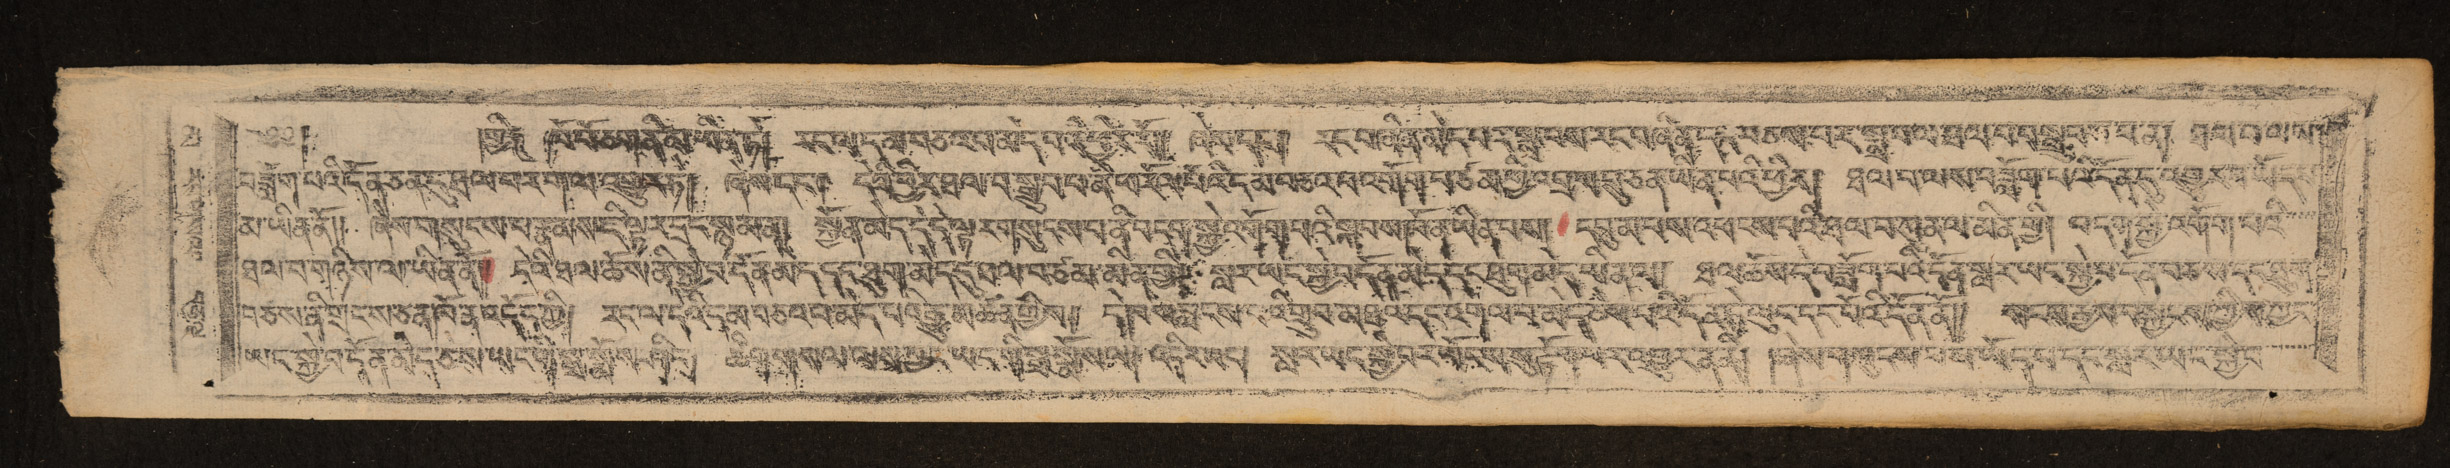༄༅། །གྱི༑ ཁོ་བོ་ཅག་ནི་མ་ཡིན་ཏེ། རང་ལ་དམ་བཅའ་བ་མེད་པའི་ཕྱིར་རོ།། ཞེས་དང་། རང་བཞིན་མེད་པར་སྨྲ་བས་རང་བཞིན་དང་བཅས་པར་སྨྲ་བ་ལ་ཐལ་བ་བསྒྲུབས་པ་ན། ཐལ་བ་ལས་
བཟློག་པའི་དོན་ཅན་དུ་ཐལ་བར་ག་ལ་འགྱུར་ཏེ། ཞེས་དང་། དེའི་ཕྱིར་ཐལ་བ་སྒྲུབ་པ་ནི་ཕ་རོལ་པོའི་དམ་བཅའ་བ་འགོག་པ་ཙམ་གྱི་འབྲས་བུ་ཅན་ཡིན་པའི་ཕྱིར། ཐལ་བ་ལས་བཟློག་པའི་དོན་དུ་འགྱུར་བ་ཡོད་པ་
མ་ཡིན་ནོ།། ཞེས་གསུངས་པ་རྣམས་ཇི་ལྟར་དྲང་སྙམ་ན། སྐྱོན་མེད་དེ་དེ་ལྟར་གསུངས་པ་ནི་བདག་སྐྱེ་འགོག་པའི་སྐབས་ཁོ་ན་ཡིན་པས། དབུ་མ་པས་འཕངས་པའི་ཐལ་བ་ཀུན་ལ་མིན་གྱི། བདག་སྐྱེ་འགོག་པའི་
ཐལ་བ་གཉིས་ལ་ཡིན་ནོ།། དེའི་ཐལ་ཆོས་ནི་སྐྱེ་བ་དོན་མེད་དང་ཐུག་མེད་དུ་ཐལ་བ་ཙམ་མིན་གྱི། སླར་ཡང་སྐྱེ་བ་དོན་མེད་དང་ཐུག་མེད་ཡིན་ལ། ཐལ་ཆོས་དེ་བཟློག་པའི་དོན་སླར་ཡང་སྐྱེ་བ་དོན་བཅས་དང་ཐུག་
བཅས་ནི་གྲངས་ཅན་ཁོ་ན་འདོད་ཀྱི། རང་ལ་དེའི་དམ་བཅའ་བ་མེད་པའི་རྒྱུ་མཚན་གྱིས། དེ་ཁས་བླངས་པའི་གྲུབ་མཐའ་དང་འགལ་བ་མེད་ཅེས་པའི་དོན་ཏེ་ལུང་དང་པོའི་དོན་ནོ།། སངས་རྒྱས་བསྐྱངས་ཀྱིས་ཀྱང་
ཡང་སྐྱེ་བ་དོན་མེད་ཅེས་ཡང་གི་སྒྲ་སྨོས་ཤིང་། ཚིག་གསལ་ལས་ཀྱང་ཡང་གི་སྒྲ་སྨོས་ལ། འདིར་ཡང་སླར་ཡང་སྐྱེ་བར་ཡོངས་སུ་རྟོག་པར་འགྱུར་ན་ནི། །ཞེས་གསུངས་པས་ཡོད་པ་དང་སླར་ཡང་སྐྱེ་བ་